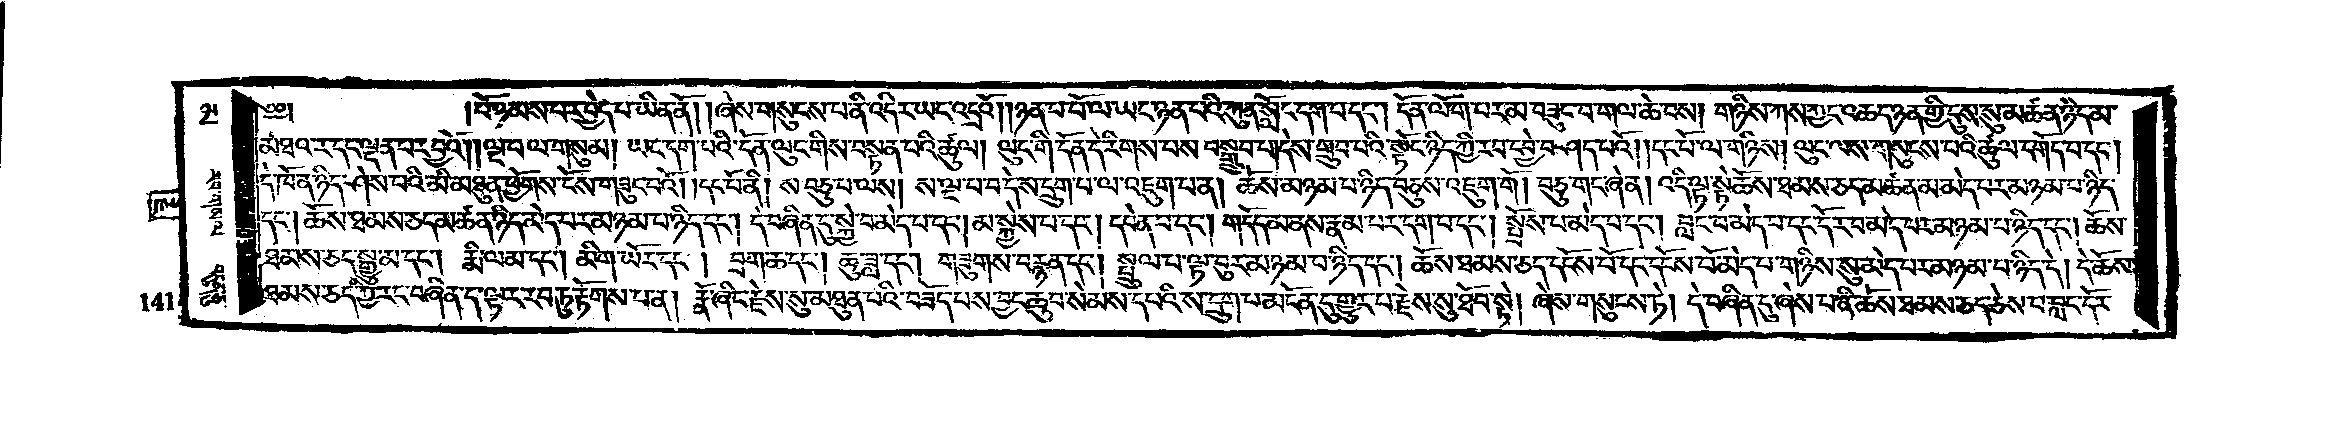༄༅། །པོ་ཉམས་པར་བྱེད་པ་ཡིན་ནོ། །ཞེས་གསུངས་པ་ནི་འདིར་ཡང་འདྲའོ། །ཉན་པ་པོ་ལ་ཡང་ཉན་པའི་ཀུན་སློང་དག་པ་དང་། དོན་ལོག་པར་མ་བཟུང་བ་གལ་ཆེ་བས། གཉིས་ཀས་ཀྱང་འཆད་ཉན་གྱི་དུས་སུ་མཚན་ཉིད་མ་
མཐའ་རེ་དང་ལྡན་པར་བྱའོ། །ལྔ་པ་ལ་གསུམ། ཡང་དག་པའི་དོན་ལུང་གིས་བསྟན་པའི་ཚུལ། ལུང་གི་དོན་དེ་རིགས་པས་བསྒྲུབ་པ། དེས་གྲུབ་པའི་སྟོང་ཉིད་ཀྱི་རབ་དབྱེ་བཤད་པའོ། །དང་པོ་ལ་གཉིས། ལུང་ལས་གསུངས་པའི་ཚུལ་དགོད་པ་དང་།
དེ་ཁོ་ན་ཉིད་ཤེས་པའི་མི་མཐུན་ཕྱོགས་ངོས་གཟུང་བའོ། །དང་པོ་ནི། ས་བཅུ་པ་ལས། ས་ལྔ་པ་བ་དེ་ས་དྲུག་པ་ལ་འཇུག་པ་ན། ཆོས་མཉམ་པ་ཉིད་བཅུས་འཇུག་གོ །བཅུ་གང་ཞེ་ན། འདི་ལྟ་སྟེ་ཆོས་ཐམས་ཅད་མཚན་མ་མེད་པར་མཉམ་པ་ཉིད་
དང་། ཆོས་ཐམས་ཅད་མཚན་ཉིད་མེད་པར་མཉམ་པ་ཉིད་དང་། དེ་བཞིན་དུ་སྐྱེ་བ་མེད་པ་དང་། མ་སྐྱེས་པ་དང་། དབེན་པ་དང་། གདོད་མ་ནས་རྣམ་པར་དག་པ་དང་། སྤྲོས་པ་མེད་པ་དང་། བླང་བ་མེད་པ་དང་དོར་བ་མེད་པར་མཉམ་པ་ཉིད་དང་། ཆོས་
ཐམས་ཅད་སྒྱུ་མ་དང་། རྨི་ལམ་དང་། མིག་ཡོར་དང་། བྲག་ཆ་དང་། ཆུ་ཟླ་དང་། གཟུགས་བརྙན་དང་། སྤྲུལ་པ་ལྟ་བུར་མཉམ་པ་ཉིད་དང་། ཆོས་ཐམས་ཅད་དངོས་པོ་དང་དངོས་པོ་མེད་པ་གཉིས་སུ་མེད་པར་མཉམ་པ་ཉིད་དེ། དེ་ཆོས་
ཐམས་ཅད་ཀྱི་རང་བཞིན་ད་ལྟར་རབ་ཏུ་རྟོགས་པ་ན། རྣོ་ཞིང་རྗེས་སུ་མཐུན་པའི་བཟོད་པས་བྱང་ཆུབ་སེམས་དཔའི་ས་དྲུག་པ་མངོན་དུ་གྱུར་པ་རྗེས་སུ་ཐོབ་སྟེ། ཞེས་གསུངས་ཏེ། དེ་བཞིན་དུ་ཞེས་པ་ནི་ཆོས་ཐམས་ཅད་ཅེས་པ་བླང་དོར་